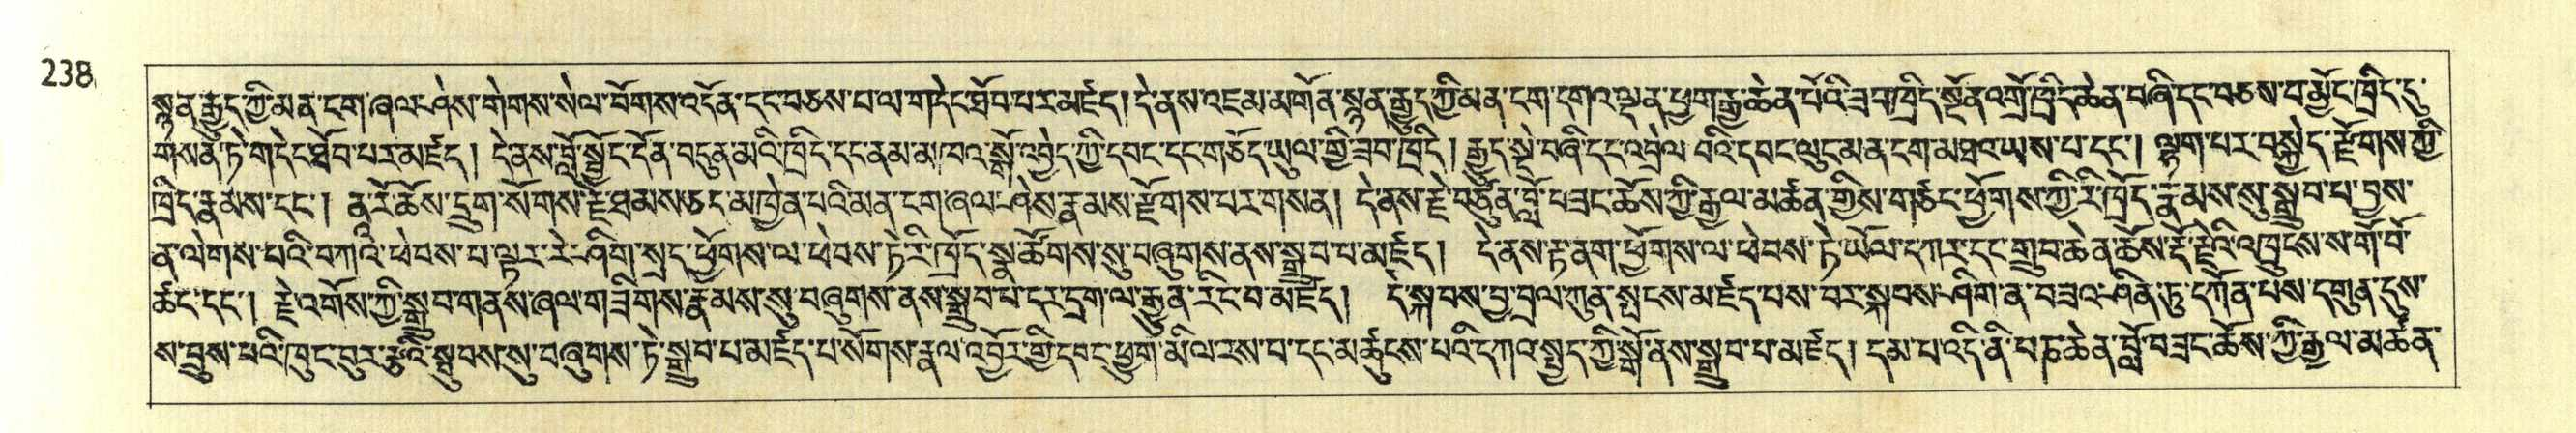སྙན་རྒྱུད་ཀྱི་མན་ངག་ཞལ་ཤེས་གེགས་སེལ་བོགས་འདོན་དང་བཅས་པ་ལ་གདེང་ཐོབ་པར་མཛད། དེ་ནས་འཇམ་མགོན་སྙན་རྒྱུད་ཀྱི་མན་ངག་དགའ་ལྡན་ཕྱག་རྒྱ་ཆེན་པོའི་ཟབ་ཁྲིད་སྔོན་འགྲོ་ཁྲིད་ཆེན་བཞི་དང་བཅས་པ་མྱོང་ཁྲིད་དུ་
གསན་ཏེ་གདེང་ཐོབ་པར་མཛད། དེ་ནས་བློ་སྦྱོང་དོན་བདུན་མའི་ཁྲིད་དང་ནམ་མཁའ་སྒོ་འབྱེད་ཀྱི་དབང་དང་གཅོད་ཡུལ་གྱི་ཟབ་ཁྲིད། རྒྱུད་སྡེ་བཞི་དང་འབྲེལ་བའི་དབང་ལུང་མན་ངག་མཐའ་ཡས་པ་དང་། ལྷག་པར་བསྐྱེད་རྫོགས་ཀྱི་
ཁྲིད་རྣམས་དང་། ནཱ་རོ་ཆོས་དྲུག་སོགས་རྗེ་ཐམས་ཅད་མཁྱེན་པའི་མན་ངག་ཞལ་ཤེས་རྣམས་རྫོགས་པར་གསན། དེ་ནས་རྗེ་བཙུན་བློ་བཟང་ཆོས་ཀྱི་རྒྱལ་མཚན་གྱིས་གཙང་ཕྱོགས་ཀྱི་རི་ཁྲོད་རྣམས་སུ་སྒྲུབ་པ་བྱས་
ན་ལེགས་པའི་བཀའ་ཕེབས་པ་ལྟར་རེ་ཤིག་སྲས་ཕྱོགས་ལ་ཕེབས་ཏེ་རི་ཁྲོད་སྣ་ཚོགས་སུ་བཞུགས་ནས་སྒྲུབ་པ་མཛད། དེ་ནས་རྟ་ནག་ཕྱོགས་ལ་ཕེབས་ཏེ་ཡོལ་དཀར་དང་གྲུབ་ཆེན་ཆོས་རྡོ་རྗེའི་འཁྲུངས་ས་གོ་བོ་
ཚང་དང་། རྗེ་འགོས་ཀྱི་སྒྲུབ་གནས་ཞལ་གཟིགས་རྣམས་སུ་བཞུགས་ནས་སྒྲུབ་པ་དར་དྲག་ལ་རྒྱུན་རིང་བ་མཛད། དེ་སྐབས་བྱ་བྲལ་ཀུན་སྤངས་མཛད་པས་བར་སྐབས་ཤིག་ན་བཟའ་ཤིན་ཏུ་དཀོན་པས་དགུན་དུས་
ས་བྲུས་པའི་ཁུང་བུར་རྩའི་སྤུབས་སུ་བཞུགས་ཏེ་སྒྲུབ་པ་མཛད་པ་སོགས་རྣལ་འབྱོར་གྱི་དབང་ཕྱུག་མི་ལ་རས་བ་དང་མཚུངས་པའི་དཀའ་སྤྱད་ཀྱི་སྒོ་ནས་སྒྲུབ་པ་མཛད། དམ་པ་འདི་ནི་པཎ་ཆེན་བློ་བཟང་ཆོས་ཀྱི་རྒྱལ་མཚན་